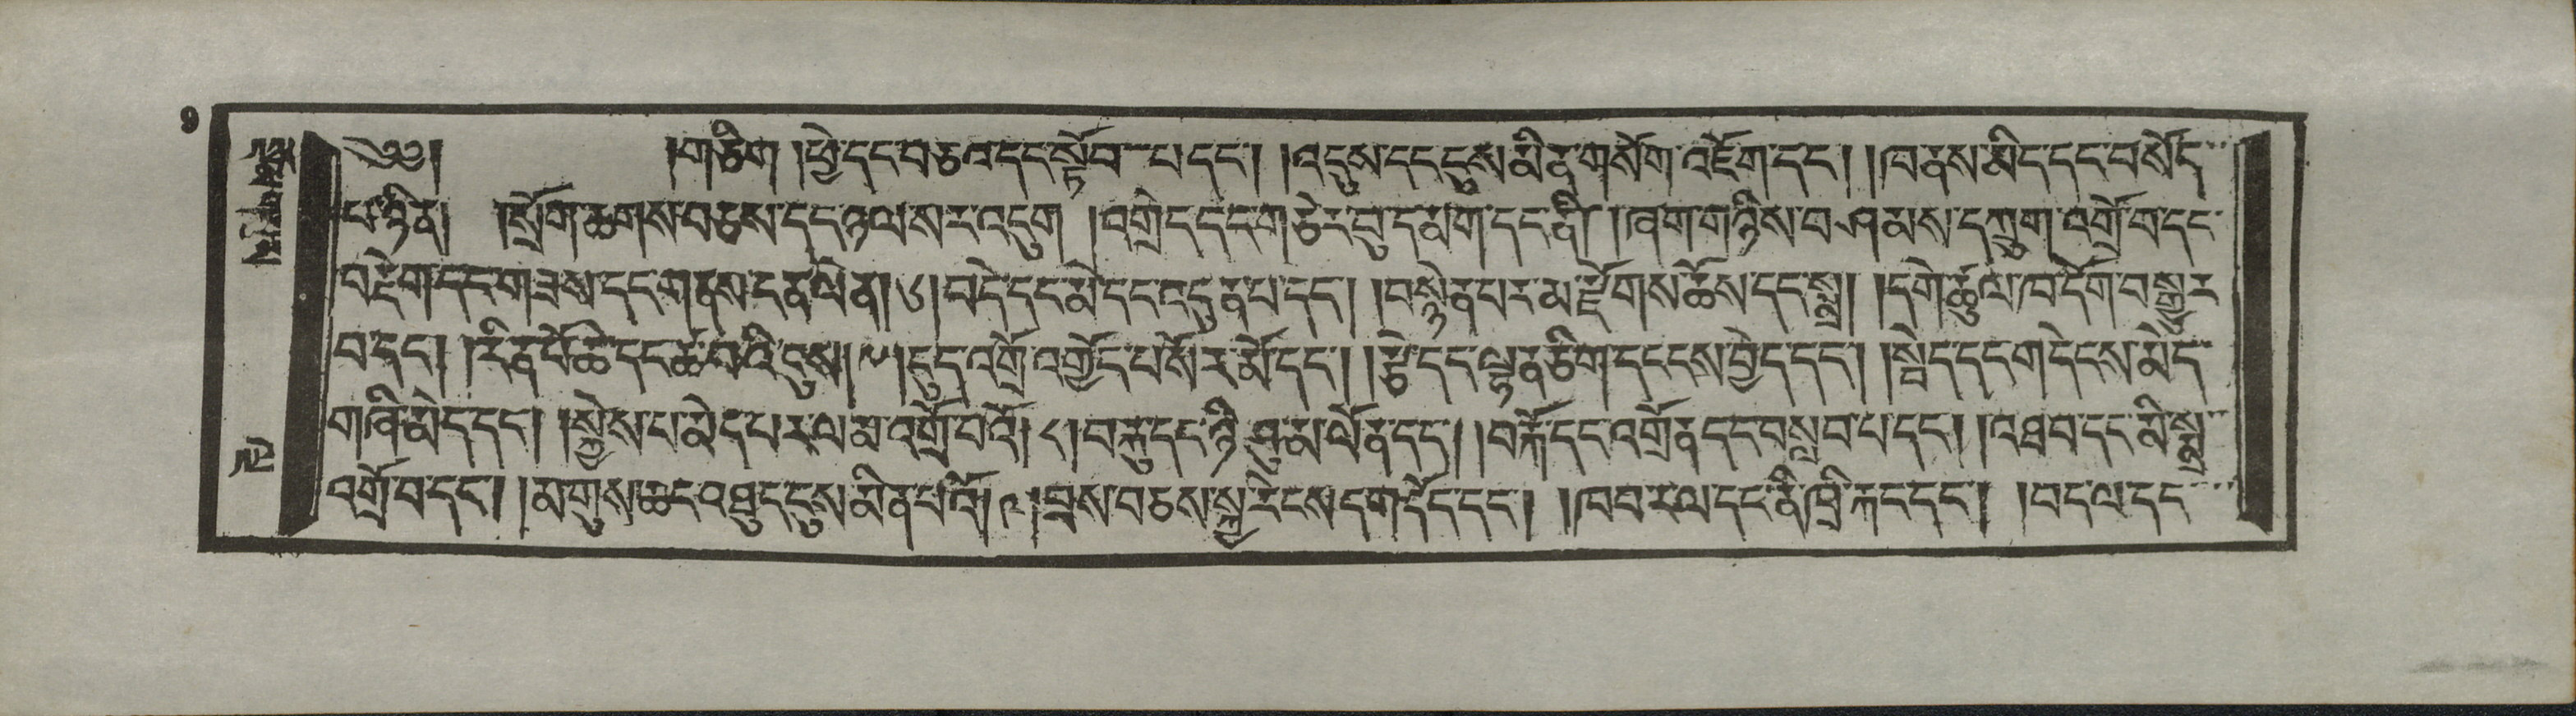༄༅། །གཅིག །ཕྱེ་དང་བཅའ་དང་སྟོབ་པ་དང་། །འདུས་དང་དུས་མིན་གསོག་འཇོག་དང་། །ཁ་ནས་མིད་དང་བསོད་
པ་ཉིན། །སྲོག་ཆགས་བཅས་དང་ཉལ་སར་འདུག །འགྲེད་དང་གཅེར་བུ་དམག་དང་ནི། །ཞག་གཉིས་བཤམས་དཀྲུག་འགྲོ་བ་དང་
བརྡེག་དང་གཟས་དང་གནས་ངན་ལེན། ༦་།བདེ་དང་མེ་དང་འདུན་པ་དང་། །བསྙེན་པར་མ་རྫོགས་ཆོས་དང་སྨྲ། །དགེ་ཚུལ་ཁ་དོག་བསྒྱུར་
བ་དང་། །རིན་པོ་ཆེ་དང་ཚ་བའི་དུས། ༧་།དུད་འགྲོ་འགྱོད་པ་སོར་མོ་དང་། །རྩེ་དང་ལྷན་ཅིག་དངས་བྱེད་དང་། །སྦེད་དང་གདེངས་མེད་
གཞི་མེད་དང་། །སྐྱེས་པ་མེད་པར་ལམ་འགྲོ་བའོ། ༨་།བརྐུ་དང་ཉི་ཤུ་མ་ལོན་དང་། །བརྐོ་དང་འགྲོན་དང་བསླབ་པ་དང་། །འཐབ་དང་མི་སྨྲ་
འགྲོ་བ་དང་། །མ་གུས་ཆང་འཐུང་དུས་མིན་པའོ། ༩་།བྲས་བཅས་ཀྱ་རེངས་དག་དོད་དང་། །ཁབ་རལ་དང་ནི་ཁྲི་རྐང་དང་། །བདལ་དང་